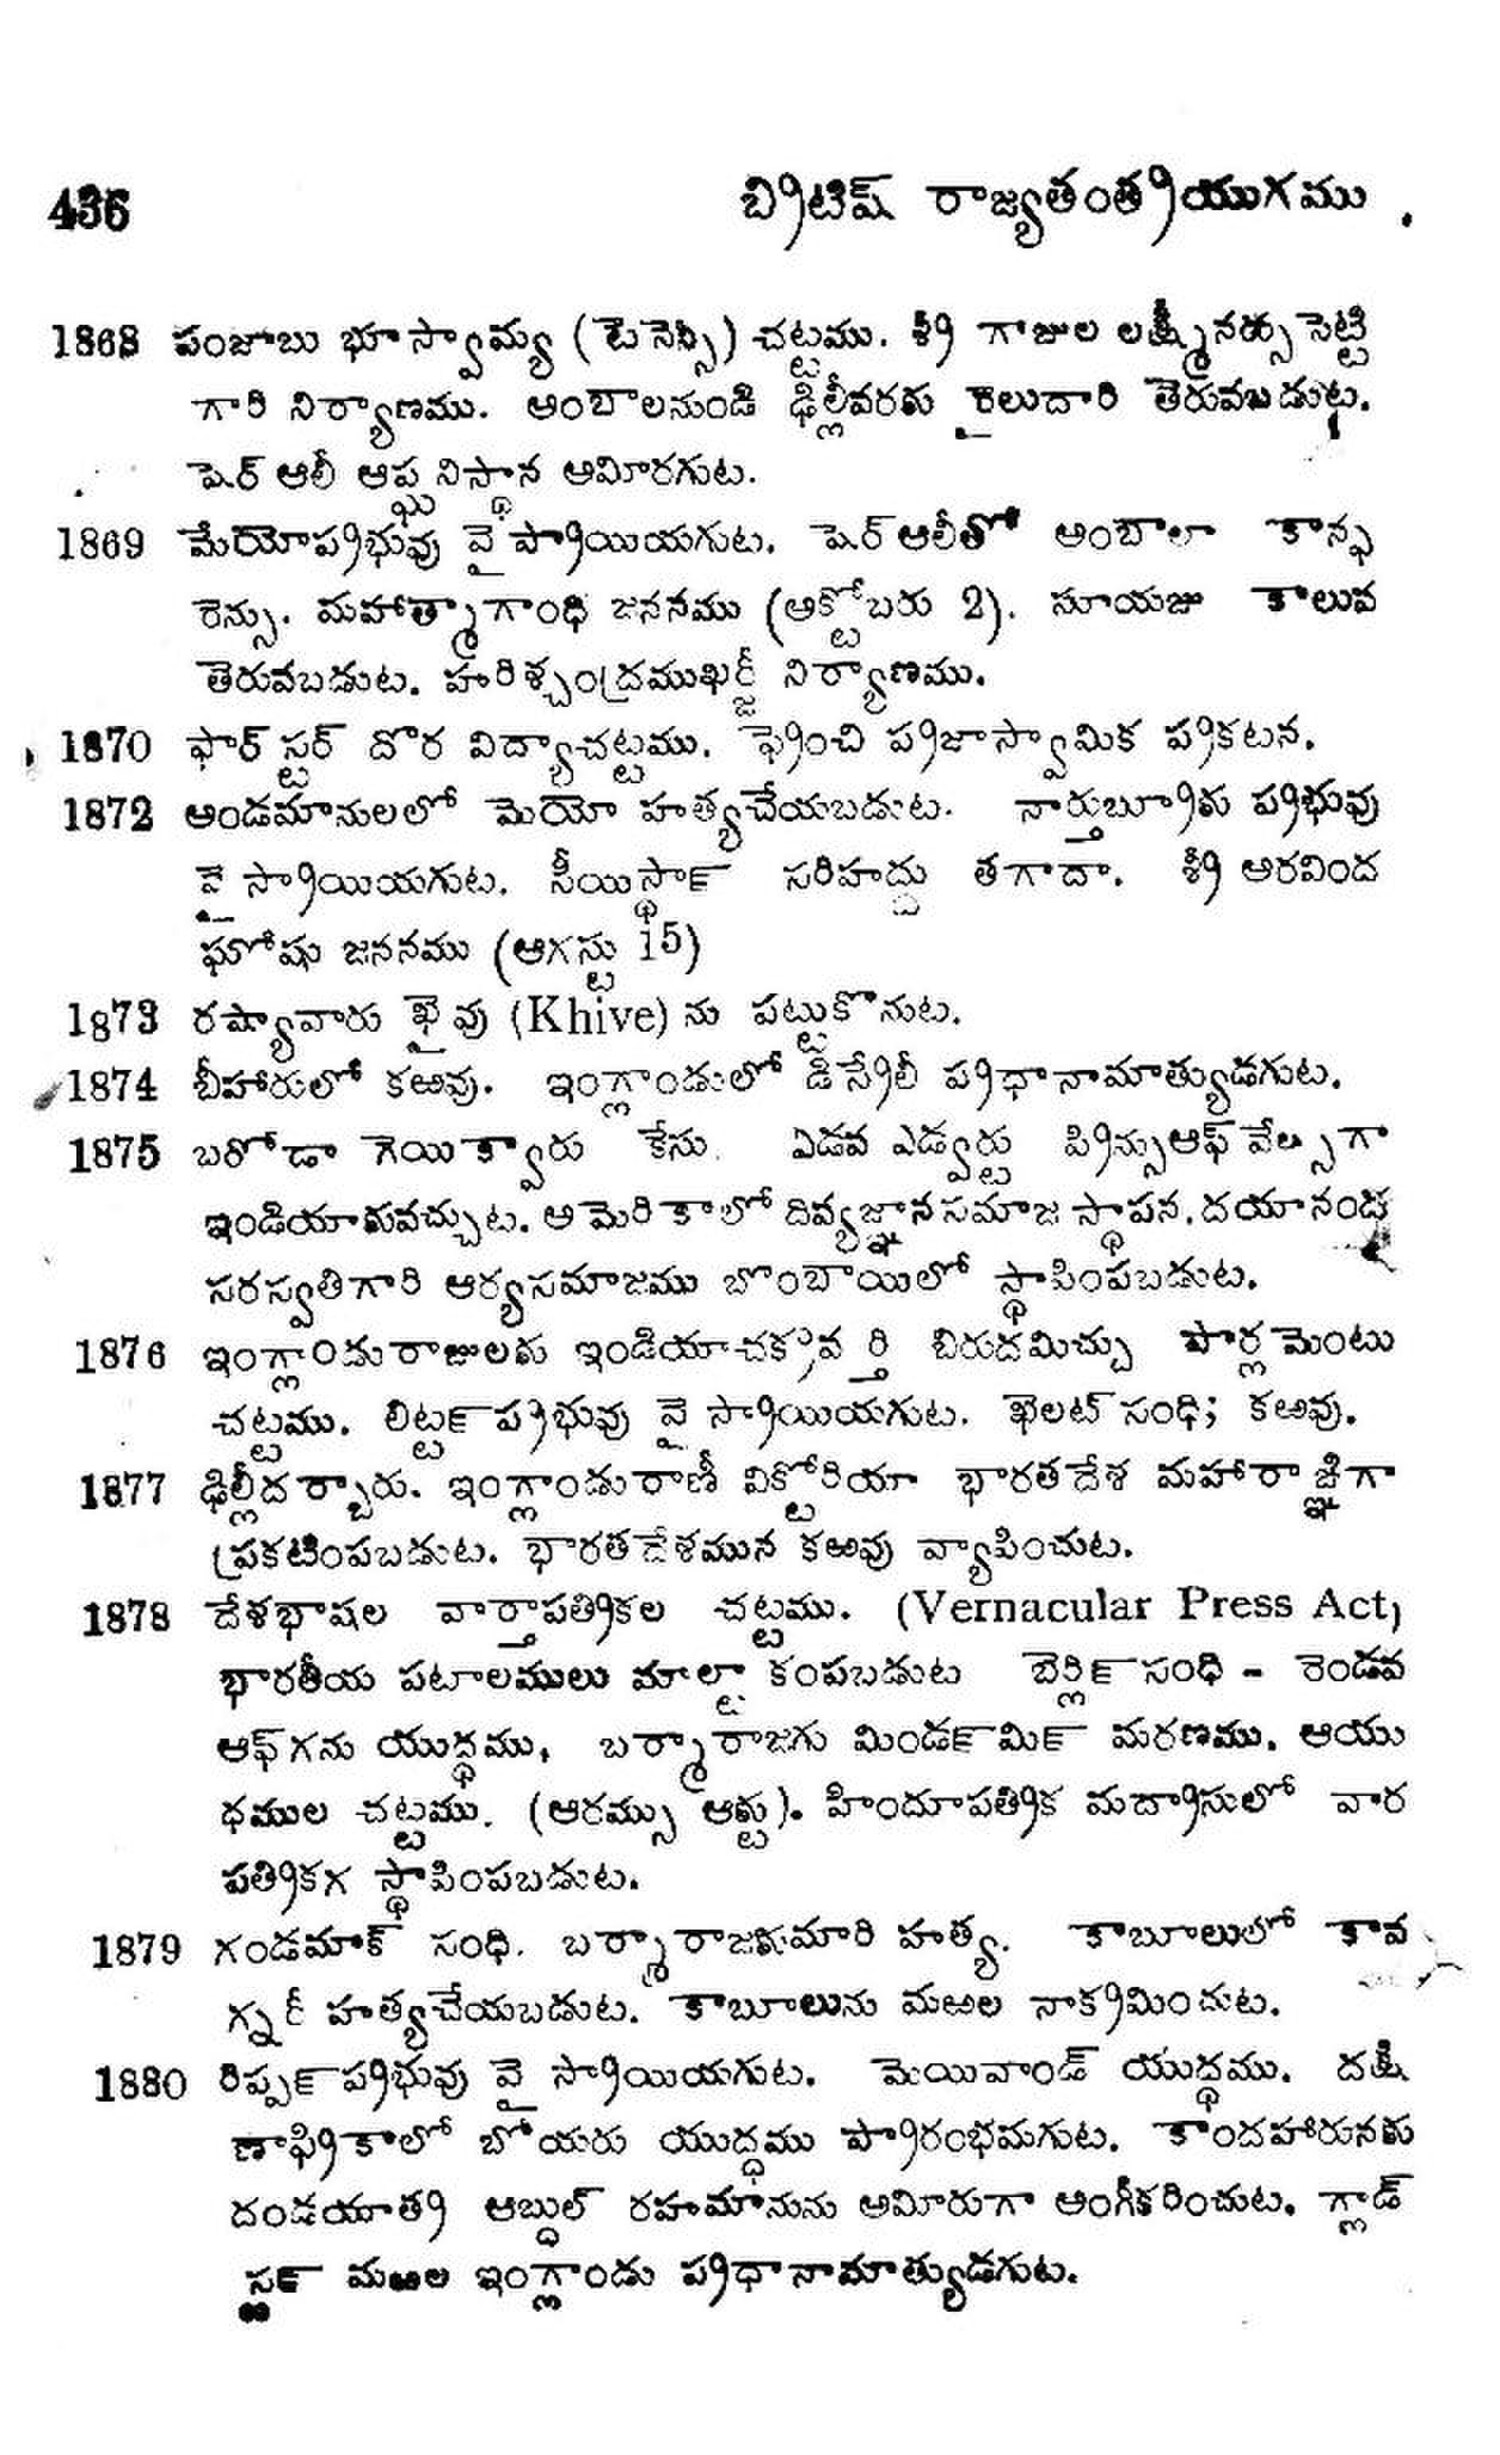1868 పంజాబు భూస్వామ్య (టెనెన్సీ) చట్టము. శ్రీ గాజుల లక్ష్మీనర్సుసెట్టిగారి నిర్యాణము. ఆంబాలనుండి ఢిల్లీ వరకు రైలుదారి తెరువబడుట. షెర్ ఆలీ ఆప్ఘనిస్తాన అమీరగుట. 

1869 మేయోప్రభువు వైస్రాయియగుట. షెర్ ఆలీతో అంబాలా కాన్ఫరెన్సు. మహాత్మాగాంధి జననము (అక్టోబరు 2). సూయజు కాలువ తెరువబడుట. హరిశ్చంద్రముఖర్జీ నిర్యాణము.

1870 ఫార్ స్టర్ దొర విద్యాచట్టము, ఫ్రెంచి ప్రజాస్వామిక ప్రకటన.

1872 ఆండమానులలో మెయో హత్యచేయబడుట. నార్తుబ్రూకు ప్రభువు వైస్రాయియగుట. సీయిస్థా౯ సరిహద్దు తగాదా. శ్రీ అరవిందఘోషు జననము (ఆగష్టు 15)

1873 రష్యావారు ఖైవు (Khive) ను పట్టుకొనుట. 

1874 బీహారులో కఱవు. ఇంగ్లాండులో డిస్రేలీ ప్రధానామాత్యుడగుట. 

1875 బరోడా గెయిక్వారు కేసు. ఏడవ ఎడ్వర్టు ప్రిన్సు ఆఫ్ వేల్సు గా ఇండియాకువచ్చుట. అమెరికాలో దివ్యజ్ఞానసమాజ స్థాపన, దయానందసరస్వతిగారి ఆర్యసమాజము బొంబాయిలో స్థాపింపబడుట. 

1876 ఇంగ్లాండురాజులకు ఇండియాచక్రవర్తి బిరుదమిచ్చు పార్లమెంటు చట్టము, లిట్ట౯ ప్రభువు వైస్రాయియగుట. ఖెలట్ సంధి; కఱవు. 

1877 ఢిల్లీదర్బారు. ఇంగ్లాండురాణీ విక్టోరియా భారతదేశ మహారాజ్ఞిగా ప్రకటింపబడుట. భారతదేశమున కఱవు వ్యాపించుట.

1878 దేశభాషల వార్తాపత్రికల చట్టము. (Vernacular Press Act) భారతీయ పటాలములు మాల్టా కంపబడుట బెర్లి౯ సంధి - రెండవ ఆఫ్‌గను యుద్ధము, బర్మా రాజగు మిండ౯మి౯ మరణము, ఆయుధముల చట్టము. (ఆరమ్సు ఆక్టు). హిందూపత్రిక మద్రాసులో వారపత్రికగ స్థాపింపబడుట. 

1879 గండమాక్ సంధి. బర్మా రాజకుమారి హత్య. కాబూలులో కావగ్నరీ హత్యచేయబడుట. కాబూలును మఱల నాక్రమిందుట. 

1880 రిప్ప౯ ప్రభువు వైస్రాయియగుట. మెయివాండ్ యుద్ధము, దక్షిణాఫ్రికాలో బోయరు యుద్ధము ప్రారంభమగుట, కాందహారునకు దండయాత్ర అబ్దుల్ రహమానును అమీరుగా అంగీకరించుట, గ్లాడ్ స్ట౯ మఱల ఇంగ్లాండు ప్రధానామాత్యుడగుట.